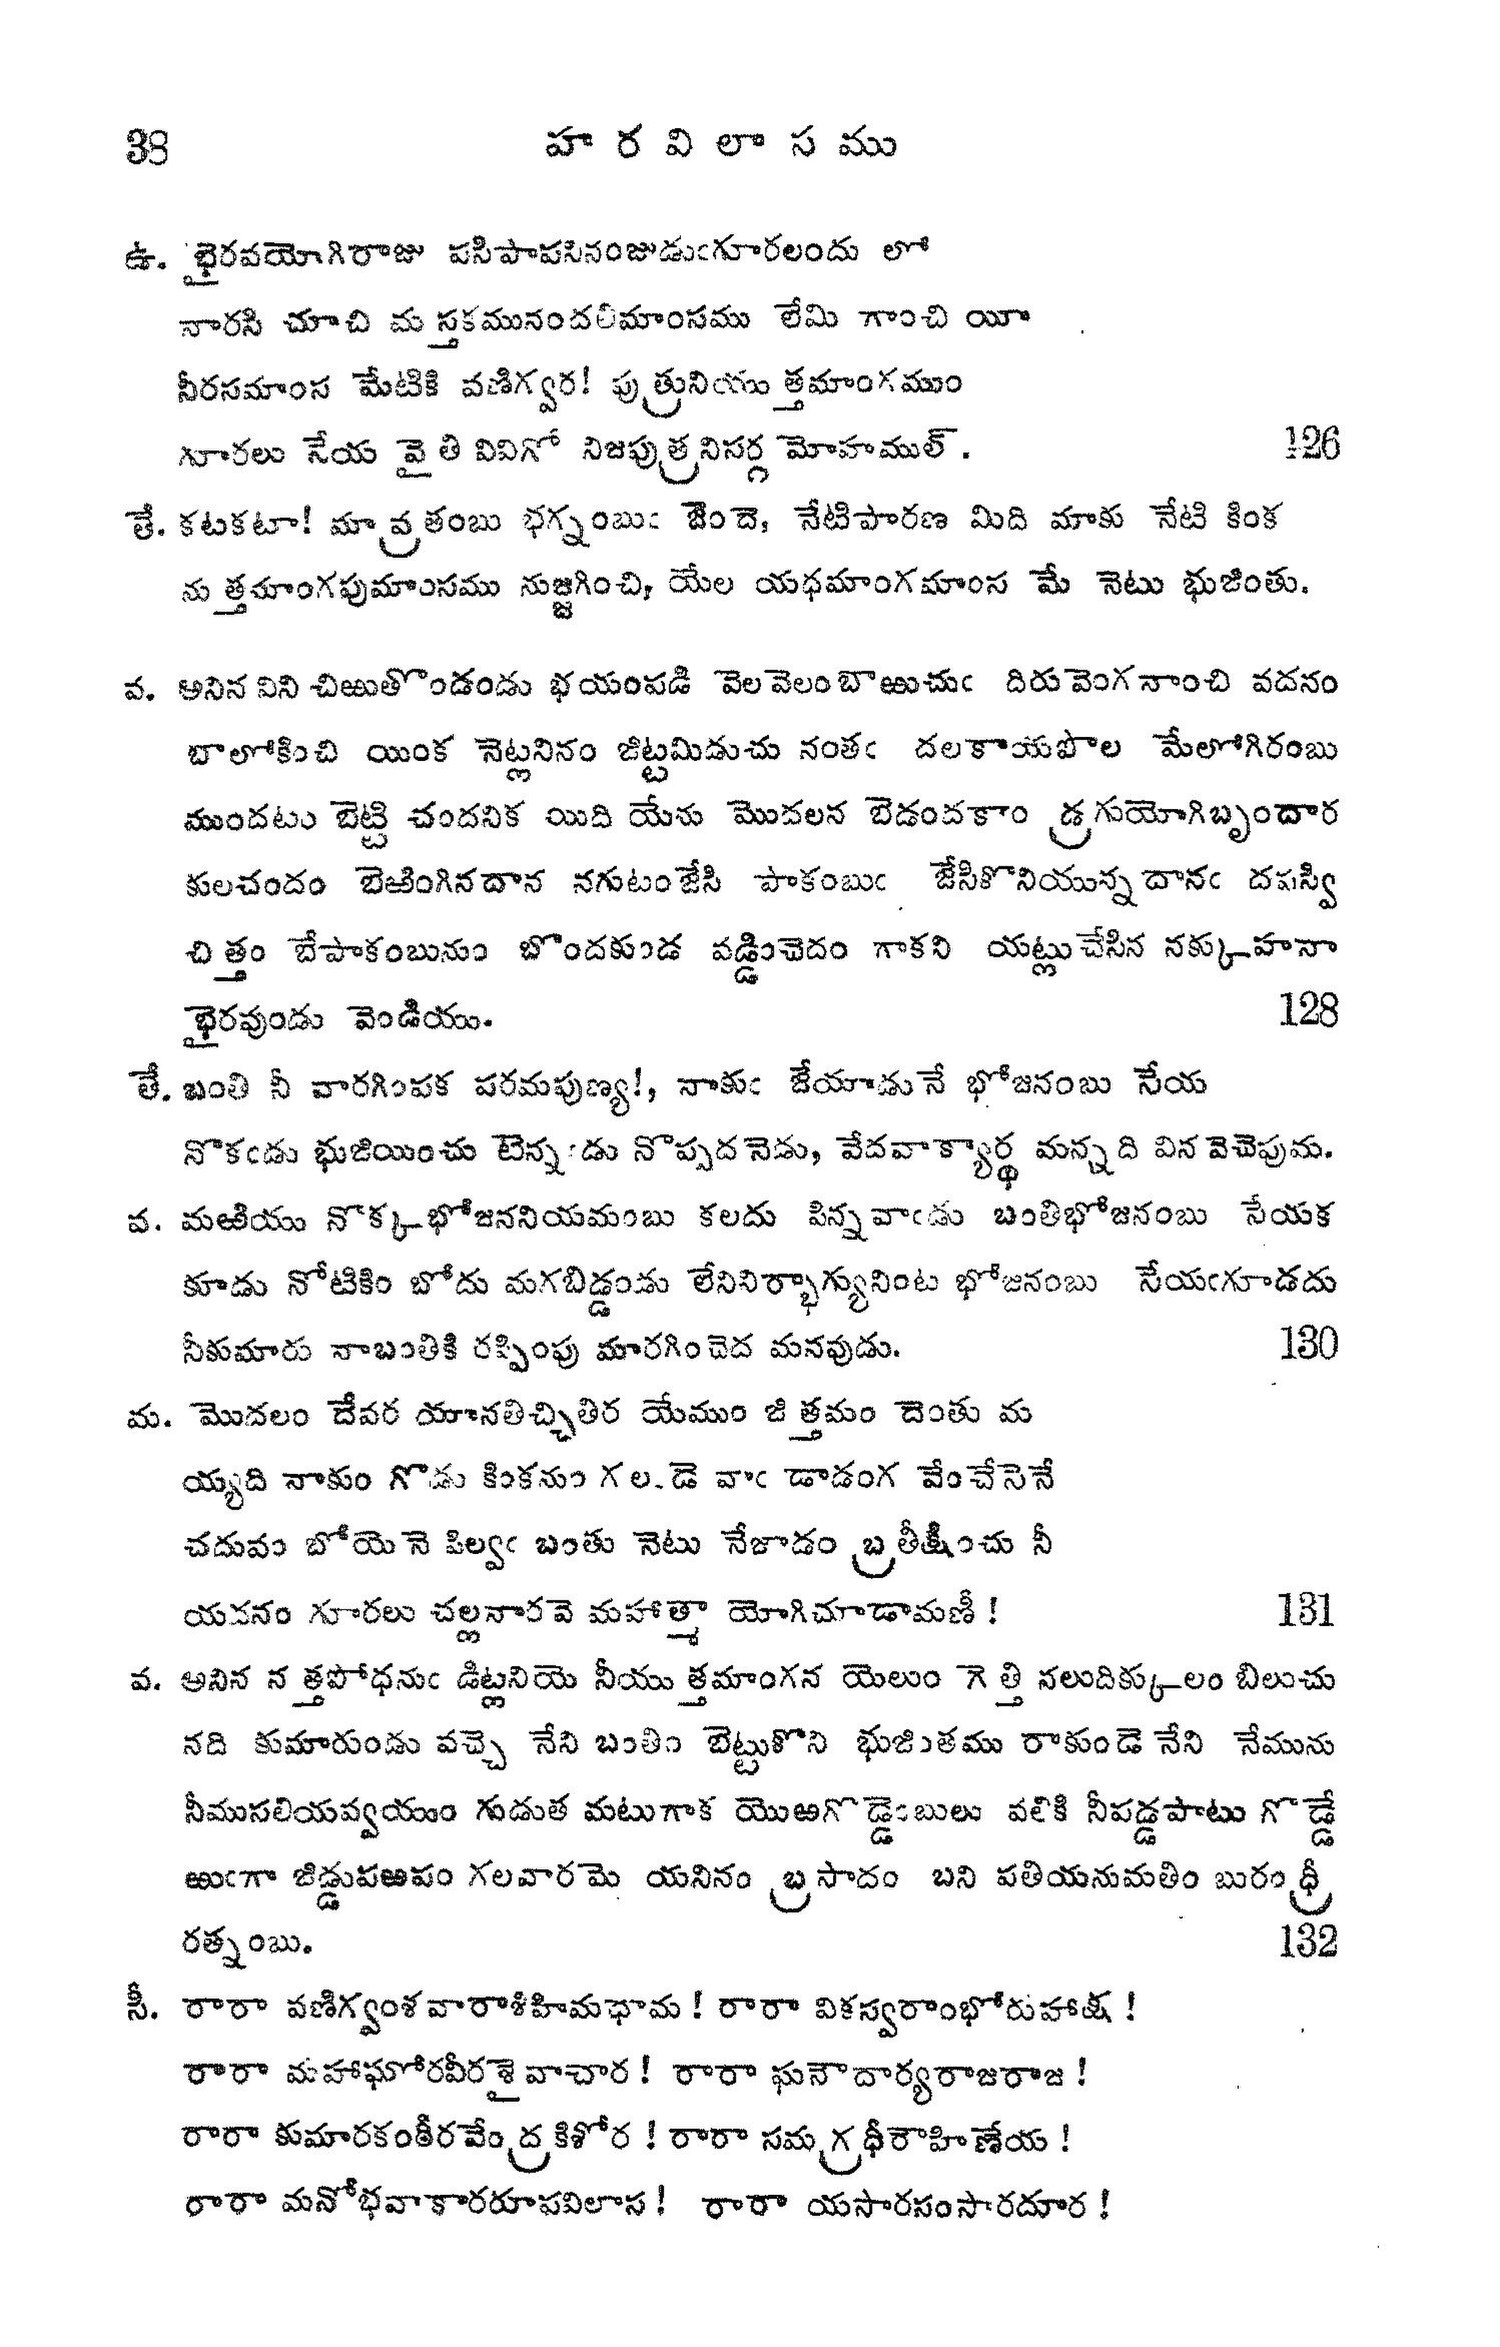ఉ. భైరవయోగిరాజు పసిపాపనినంజుడుఁగూరలందు లో
నారసి చూచి మస్తకమునందలి మాంసము లేమి గాంచి యీ
నీరసమాంస మేటికి వణిగ్వర! పుత్రునియుత్తమాంగముం
గూరలు సేయ వైతి వివిగో నిజపుత్రనిసర్గమోహముల్. 126

తే. కటకటా! మా వ్రతంబు భగ్నంబుఁ జెందె, నేటి పారణ మిది మాకు నేటి కింక
నుత్తమాంగపుమాంసము నుజ్జగించి, యేల యధమాంగమాంస మే నెటు భుజింతు. 127

వ. అనిన విని చిఱుతొండండు భయంపడి వెలవెలం బాఱుచుఁ దిరువెంగనాంచి వదనం బాలోకించి యింక నెట్లనినం జిట్టమిడుచు నంతఁ దలకాయపొల మేలోగిరంబు ముందటం బెట్టి చందనిక యిది యేను మొదలన బెడందకాండ్రగు యోగిబృందారకులచందం బెఱింగినదాన నగుటం జేసి పాకంబుఁ జేసికొనియున్న దానం దపస్వి చిత్తం బేపాకంబునుం బొందకుండ వడ్డించెదం గాకని యట్లు చేసిన నక్కుహనాభైరవుండు వెండియు. 128

తే. బంతి నీ వారగింపక పరమపుణ్య!, నాకుఁ జేయాడునే భోజనంబు సేయ
నొకఁడు భుజియించు టెన్నఁడు నొప్పదనెడు, వేదవాక్యార్థ మన్నది వినవె చెపుమ.129 

వ. మఱియు నొక్క భోజననియమంబు కలదు పిన్నవాఁడు బంతిభోజనంబు సేయక కూడు నోటికిం బోదు మగబిడ్డండు లేని నిర్భాగ్యునింట భోజనంబు సేయఁగూడదు నీకుమారు నాబంతికి రప్పింపు మారగించెద మనవుడు. 130

మ. మొదలం దేవర యానతిచ్చితిర యేముం జిత్తమం దెంతు మ
య్యది నాకుం గొడు కింకను గలఁడె వాఁ డాడంగ వేంచేసెనే
చదువు బోయెనె పిల్వఁ బంతు నెటు నేజాడం బ్రతిక్షించు
నీ యదనం గూరలు చల్లనారవె మహాత్మా యోగిచూడామణీ! 131

వ. అనిన నత్తపోధనుఁ డిట్లనియె నీయుత్తమాంగన యెలుంగెత్తి నలుదిక్కులం బిలుచునది కుమారుండు వచ్చెనేని బంతిం బెట్టుకొని భుజింతము రాకుండెనేని నేమును నీ ముసలియవ్వయుం గుడుత మటు గాక యొఱగొడ్డెంబులు వలికి నీపడ్డపాటు గొడ్డేఱుఁగా జిడ్డుపఱపం గలవారమె యనినం బ్రసాదం బని పతియనుమతిం బురంధ్రీరత్నంబు. 132

సీ. రారా వణిగ్వంశవారాశీహిమభామ! రారా వికస్వరాంభోరుహాక్ష!
రారా మహాఘోరవీరశైవాచార! రారా ఘనౌదార్యరాజరాజ!
రారా కుమారకంఠీరవేంద్రకిశోర! రారా సమగ్ర ధీ రౌహిణేయ !
రారా మనోభహకారరూపవిలాస ! రారా యసారసంసారదూర!